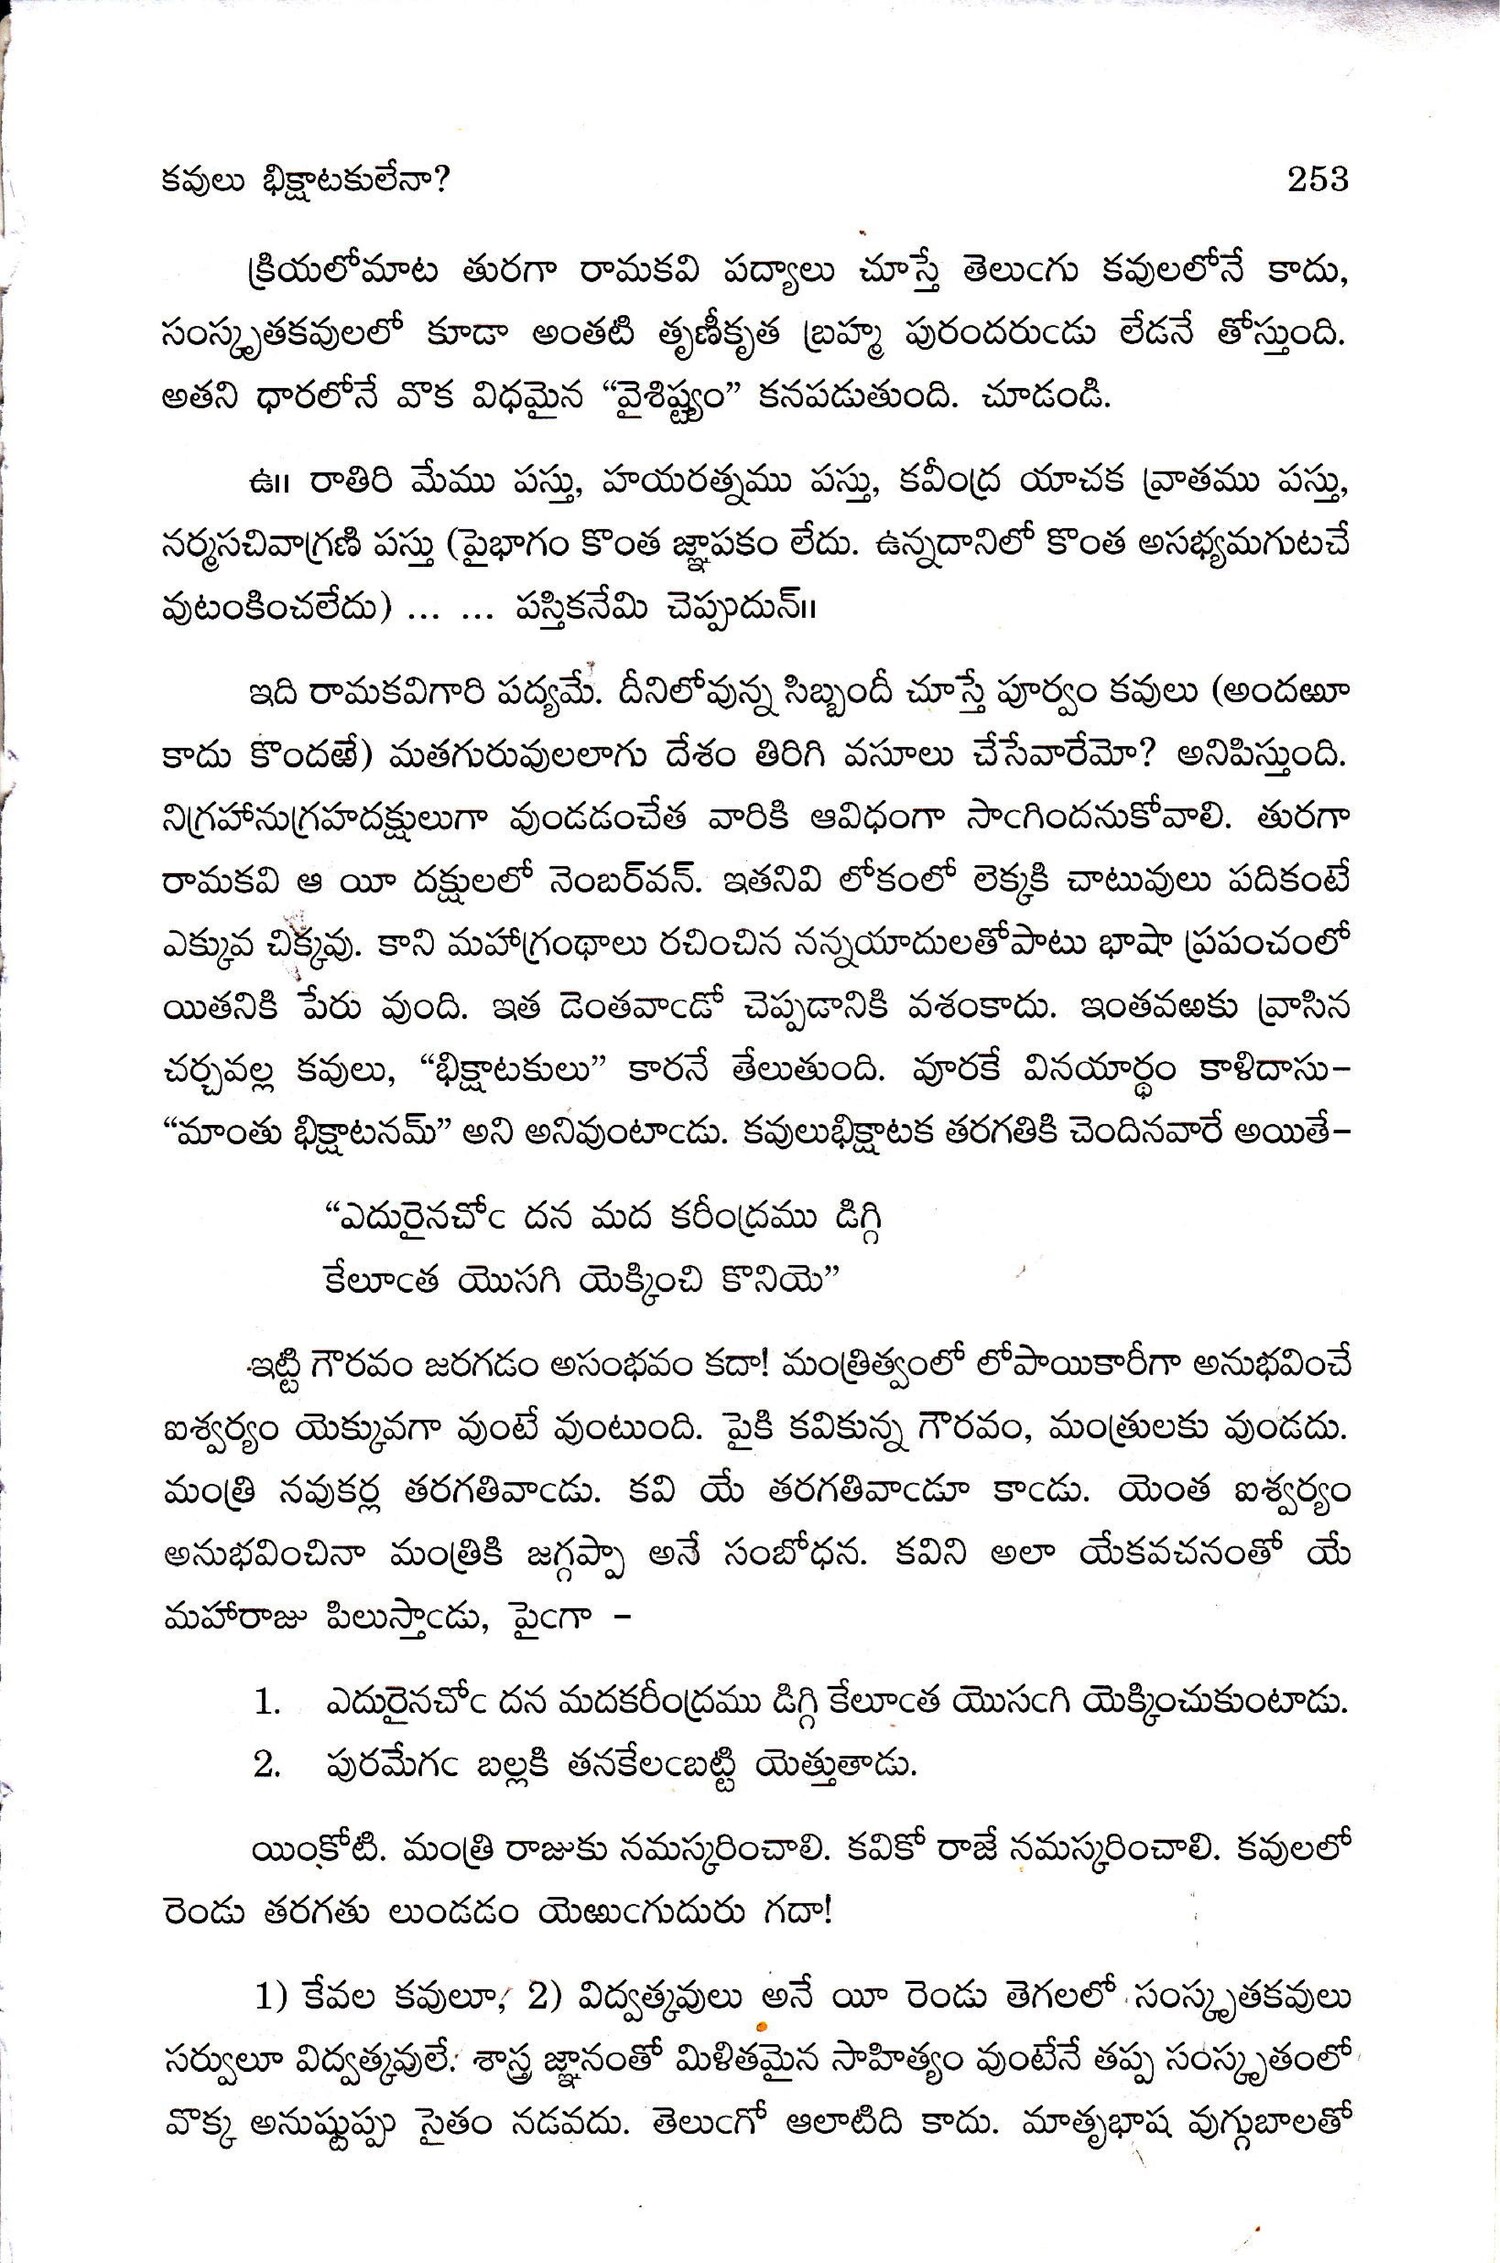క్రియలోమాట తురగా రామకవి పద్యాలు చూస్తే తెలుఁగు కవులలోనే కాదు, సంస్కృతకవులలో కూడా అంతటి తృణీకృత బ్రహ్మ పురందరుఁడు లేడనే తోస్తుంది. అతని ధారలోనే వొక విధమైన "వైశిష్ట్యం” కనపడుతుంది. చూడండి.

ఉII రాతిరి మేము పస్తు, హయరత్నము పస్తు, కవీంద్ర యాచక వ్రాతము పస్తు, నర్మసచివాగ్రణి పస్తు (పైభాగం కొంత జ్ఞాపకం లేదు. ఉన్నదానిలో కొంత అసభ్యమగుటచే వుటంకించలేదు) ... ... పస్తికనేమి చెప్పుదున్

ఇది రామకవిగారి పద్యమే. దీనిలోవున్న సిబ్బందీ చూస్తే పూర్వం కవులు (అందఱూ కాదు కొందఱే) మతగురువులలాగు దేశం తిరిగి వసూలు చేసేవారేమో? అనిపిస్తుంది. నిగ్రహానుగ్రహదక్షులుగా వుండడంచేత వారికి ఆవిధంగా సాఁగిందనుకోవాలి. తురగా రామకవి ఆ యీ దక్షులలో నెంబర్‌వన్. ఇతనివి లోకంలో లెక్కకి చాటువులు పదికంటే ఎక్కువ చిక్కవు. కాని మహాగ్రంథాలు రచించిన నన్నయాదులతోపాటు భాషా ప్రపంచంలో యితనికి పేరు వుంది. ఇత డెంతవాఁడో చెప్పడానికి వశంకాదు. ఇంతవఱకు వ్రాసిన చర్చవల్ల కవులు, “భిక్షాటకులు" కారనే తేలుతుంది. వూరకే వినయార్థం కాళిదాసు - “మాంతు భిక్షాటనమ్” అని అనివుంటాఁడు. కవులుభిక్షాటక తరగతికి చెందినవారే అయితే

“ఎదురైనచోఁ దన మద కరీంద్రము డిగ్గి 
 కేలూఁత యొసగి యెక్కించి కొనియె"
ఇట్టి గౌరవం జరగడం అసంభవం కదా! మంత్రిత్వంలో లోపాయికారీగా అనుభవించే ఐశ్వర్యం యెక్కువగా వుంటే వుంటుంది. పైకి కవికున్న గౌరవం, మంత్రులకు వుండదు. మంత్రి నవుకర్ల తరగతివాఁడు. కవి యే తరగతివాఁడూ కాఁడు. యెంత ఐశ్వర్యం అనుభవించినా మంత్రికి జగ్గప్పా అనే సంబోధన. కవిని అలా యేకవచనంతో యే
మహారాజు పిలుస్తాఁడు, పైఁగా -

1. ఎదురైనచోఁ దన మదకరీంద్రము డిగ్గి కేలూఁత యొసఁగి యెక్కించుకుంటాడు. 

2. పురమేగఁ బల్లకి తనకేలఁబట్టి యెత్తుతాడు.

యింకోటి. మంత్రి రాజుకు నమస్కరించాలి. కవికో రాజే నమస్కరించాలి. కవులలో రెండు తరగతు లుండడం యెఱుఁగుదురు గదా! 

1) కేవల కవులూ; 2) విద్వత్కవులు అనే యీ రెండు తెగలలో సంస్కృతకవులు సర్వులూ విద్వత్కవులే. శాస్త్ర జ్ఞానంతో మిళితమైన సాహిత్యం వుంటేనే తప్ప సంస్కృతంలో వొక్క అనుష్టుప్పు సైతం నడవదు. తెలుఁగో ఆలాటిది కాదు. మాతృభాష వుగ్గుబాలతో